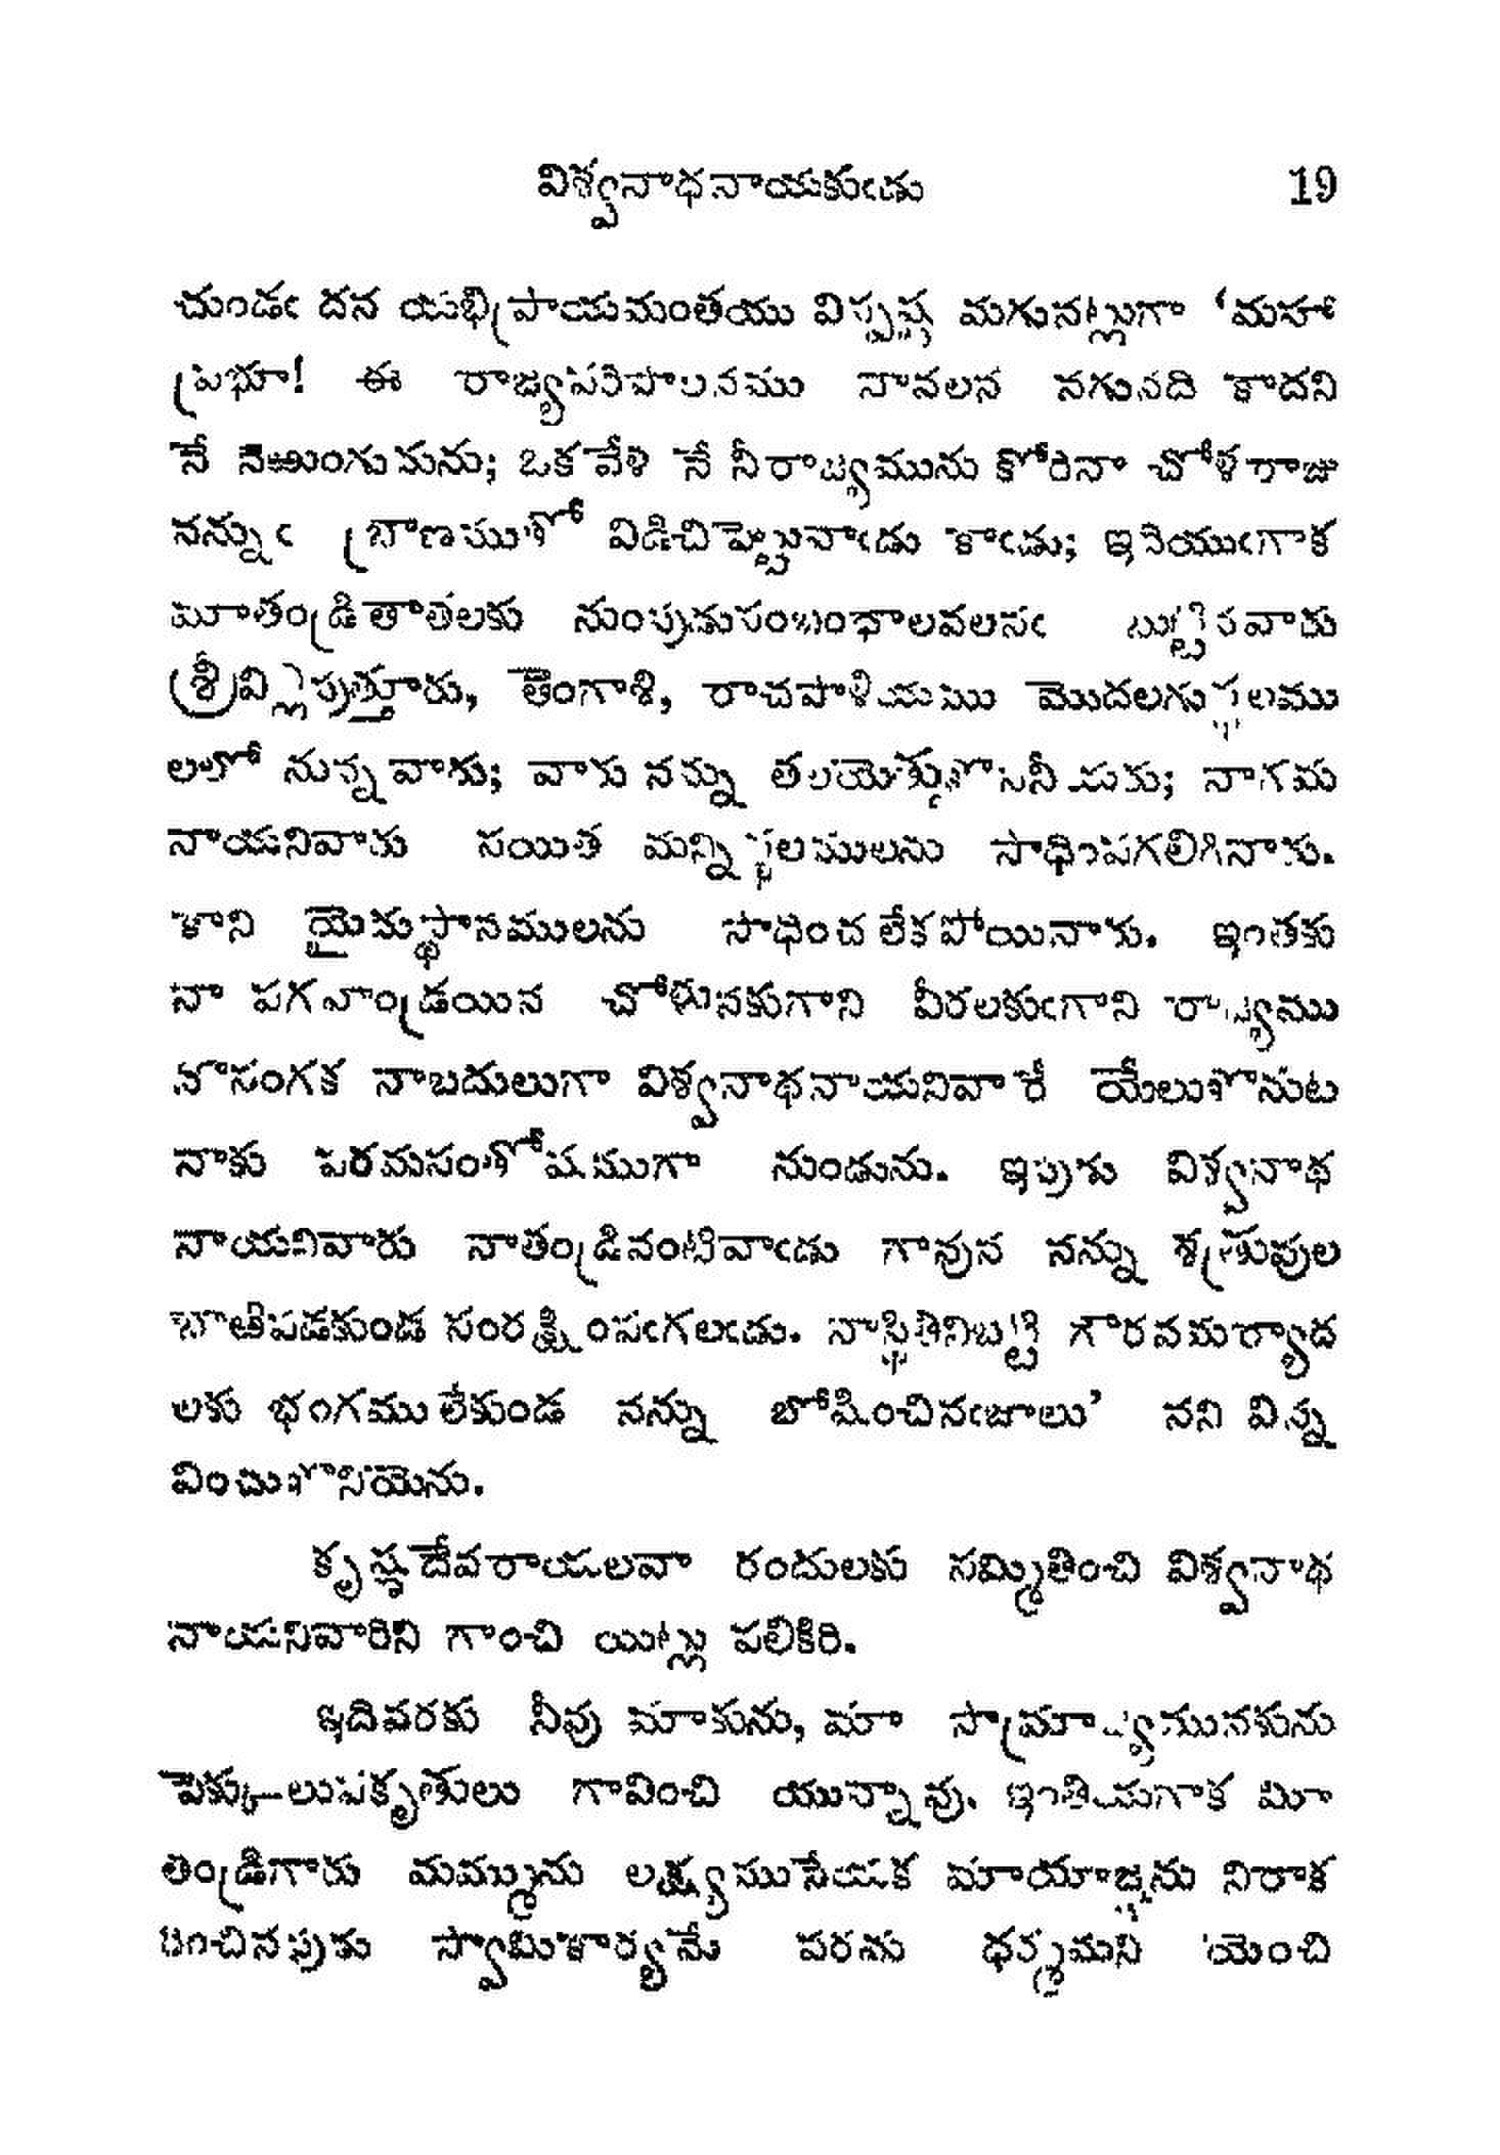చుండఁ దన యభిప్రాయమంతయు విస్పష్ట మగునట్లుగా 'మహా ప్రభూ! ఈ రాజ్యపరిపాలనము నావలన నగునది కాదని నే నెఱుంగుదును; ఒకవేళ నే నీరాజ్యమును కోరినా చోళరాజు నన్నుఁ బ్రాణముతో విడిచిపెట్టువాఁడు కాఁడు; ఇదియుఁగాక మాతండ్రితాతలకు నుంపుడుసంబంధాలవలనఁ బుట్టినవారు శ్రీవిల్లిపుత్తూరు, తెంగాశి, రాచపాళియము మొదలగుస్థలములలో నున్నవారు; వారు నన్ను తలయెత్తుకొననీయరు; నాగమనాయనివారు సయిత మన్నిస్థలములను సాధింపగలిగినారు. కాని యైదుస్థానములను సాధించలేకపోయినారు. ఇంతకు నా పగవాండ్రయిన చోళునకుగాని వీరలకుఁగాని రాజ్యము నొసంగక నాబదులుగా విశ్వనాథనాయనివారే యేలుకొనుట నాకు పరమసంతోషముగా నుండును. ఇపుడు విశ్వనాథనాయనివారు నాతండ్రివంటివాఁడు గావున నన్ను శత్రువుల బాఱిపడకుండ సంరక్షింపఁగలఁడు. నాస్థితినిబట్టి గౌరవమర్యాదలకు భంగములేకుండ నన్ను బోషించినఁజాలు' నని విన్నవించుకొనియెను.

కృష్ణదేవరాయలవా రందులకు సమ్మతించి విశ్వనాథనాయనివారిని గాంచి యిట్లు పలికిరి.

ఇదివరకు నీవు మాకును, మా సామ్రాజ్యమునకును పెక్కులుపకృతులు గావించి యున్నావు. ఇంతియగాక మీ తండ్రిగారు మమ్మును లక్ష్యముసేయక మాయాజ్ఞను నిరాకరించినపుడు స్వామికార్యమే పరమ ధర్మమని యెంచి